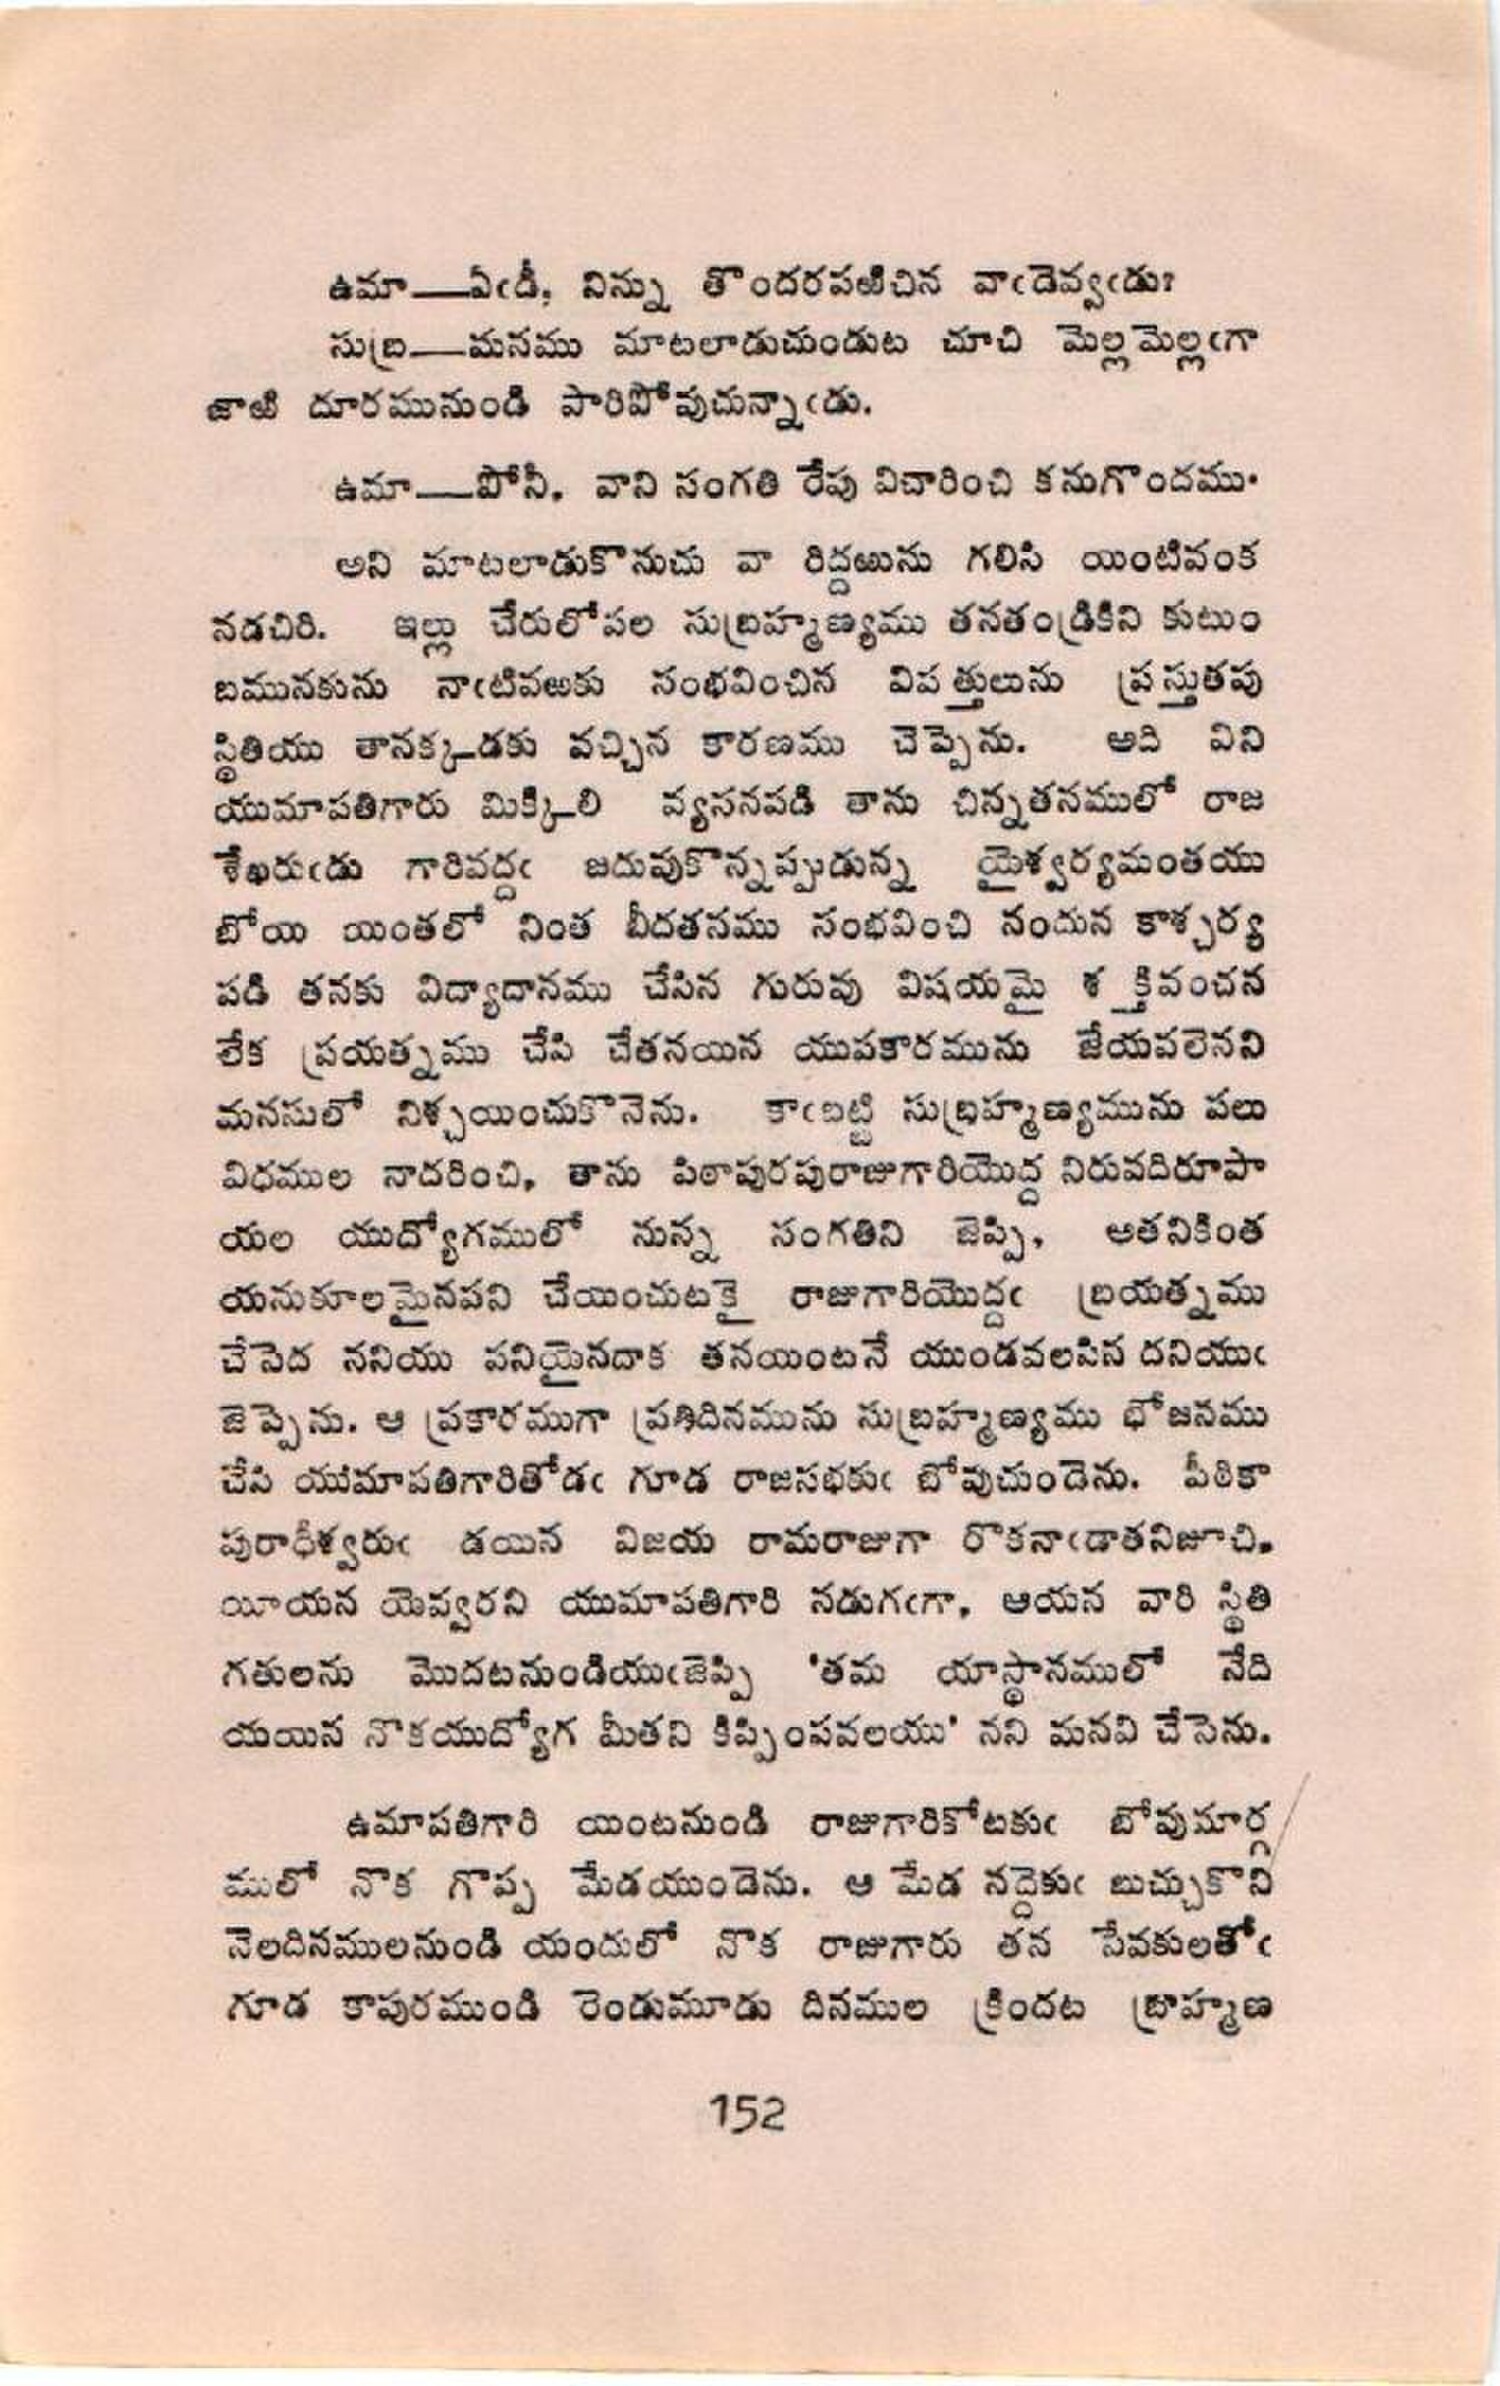ఉమా__ఏఁడీ, నిన్ను తొందరపఱిచిన వాఁడెవ్వఁడు?

సుబ్ర__మనము మాటలాడుచుండుట చూచి మెల్లమెల్లఁగా జాఱి దూరమునుండి పారిపోవుచున్నాఁడు.

ఉమా__పోనీ, వాని సంగతి రేపు విచారించి కనుగొందము

అని మాటలాడుకొనుచు వా రిద్దఱును గలిసి యింటివంక నడచిరి. ఇల్లు చేరులోపల సుబ్రహ్మణ్యము తనతండ్రికిని కుటుంబమునకును నాఁటివఱకు సంభవించిన విపత్తులును ప్రస్తుతపు స్థితియు తానక్కడకు వచ్చిన కారణము చెప్పెను. అది విని యుమాపతిగారు మిక్కిలి వ్యసనపడి తాను చిన్నతనములో రాజ శేఖరుఁడు గారివద్దఁ జదువుకొన్నప్పుడున్న యైశ్వర్యమంతయు బోయి యింతలో నింత బీదతనము సంభవించి నందున కాశ్చర్యపడి తనకు విద్యాదానము చేసిన గురువు విషయమై శక్తివంచన లేక ప్రయత్నము చేసి చేతనయిన యుపకారమును జేయవలెనని మనసులో నిశ్చయించుకొనెను. కాబట్టి సుబ్రహ్మణ్యమును పలు విధముల నాదరించి, తాను పిఠాపురపురాజుగారియొద్ద నిరవదిరూపాయల యుద్యోగములో నున్న సంగతిని జెప్పి, అతనికింత యనుకూలమైనపని చేయించుటకై రాజుగారియొద్దఁ బ్రయత్నము చేసెద ననియు పనియైనదాక తనయింటనే యుండవలసిన దనియుఁ జెప్పెను. ఆ ప్రకారముగా ప్రతిదినమును సుబ్రహ్మణ్యము భోజనము చేసి యుమాపతిగారితోడఁ గూడ రాజసభకుఁ బోవుచుండెను. పీఠికా పరాధీశ్వరుఁ డయిన విజయ రామరాజుగా రొకనాఁడాతనిజూచి, యీయన యెవ్వరని యుమాపతిగారి నడుగగా, ఆయన వారి స్థితి గతులను మొదటనుండియుఁజెప్పి "తమ యాస్థానములో నేది యయిన నొకయుద్యోగ మీతని కిప్పింపవలయు" నని మనవి చేసెను.

ఉమాపతిగారి యింటనుండి రాజుగారికోటకుఁ బోవుమార్గములో నొక గొప్ప మేడయుండెను. ఆ మేడ నద్దెకుఁ బుచ్చుకొని నెలదినములనుండి యందులో నొక రాజుగారు తన సేవకులతోఁ గూడ కాపురముండి రెండుమూడు దినముల క్రిందట బ్రాహ్మణ